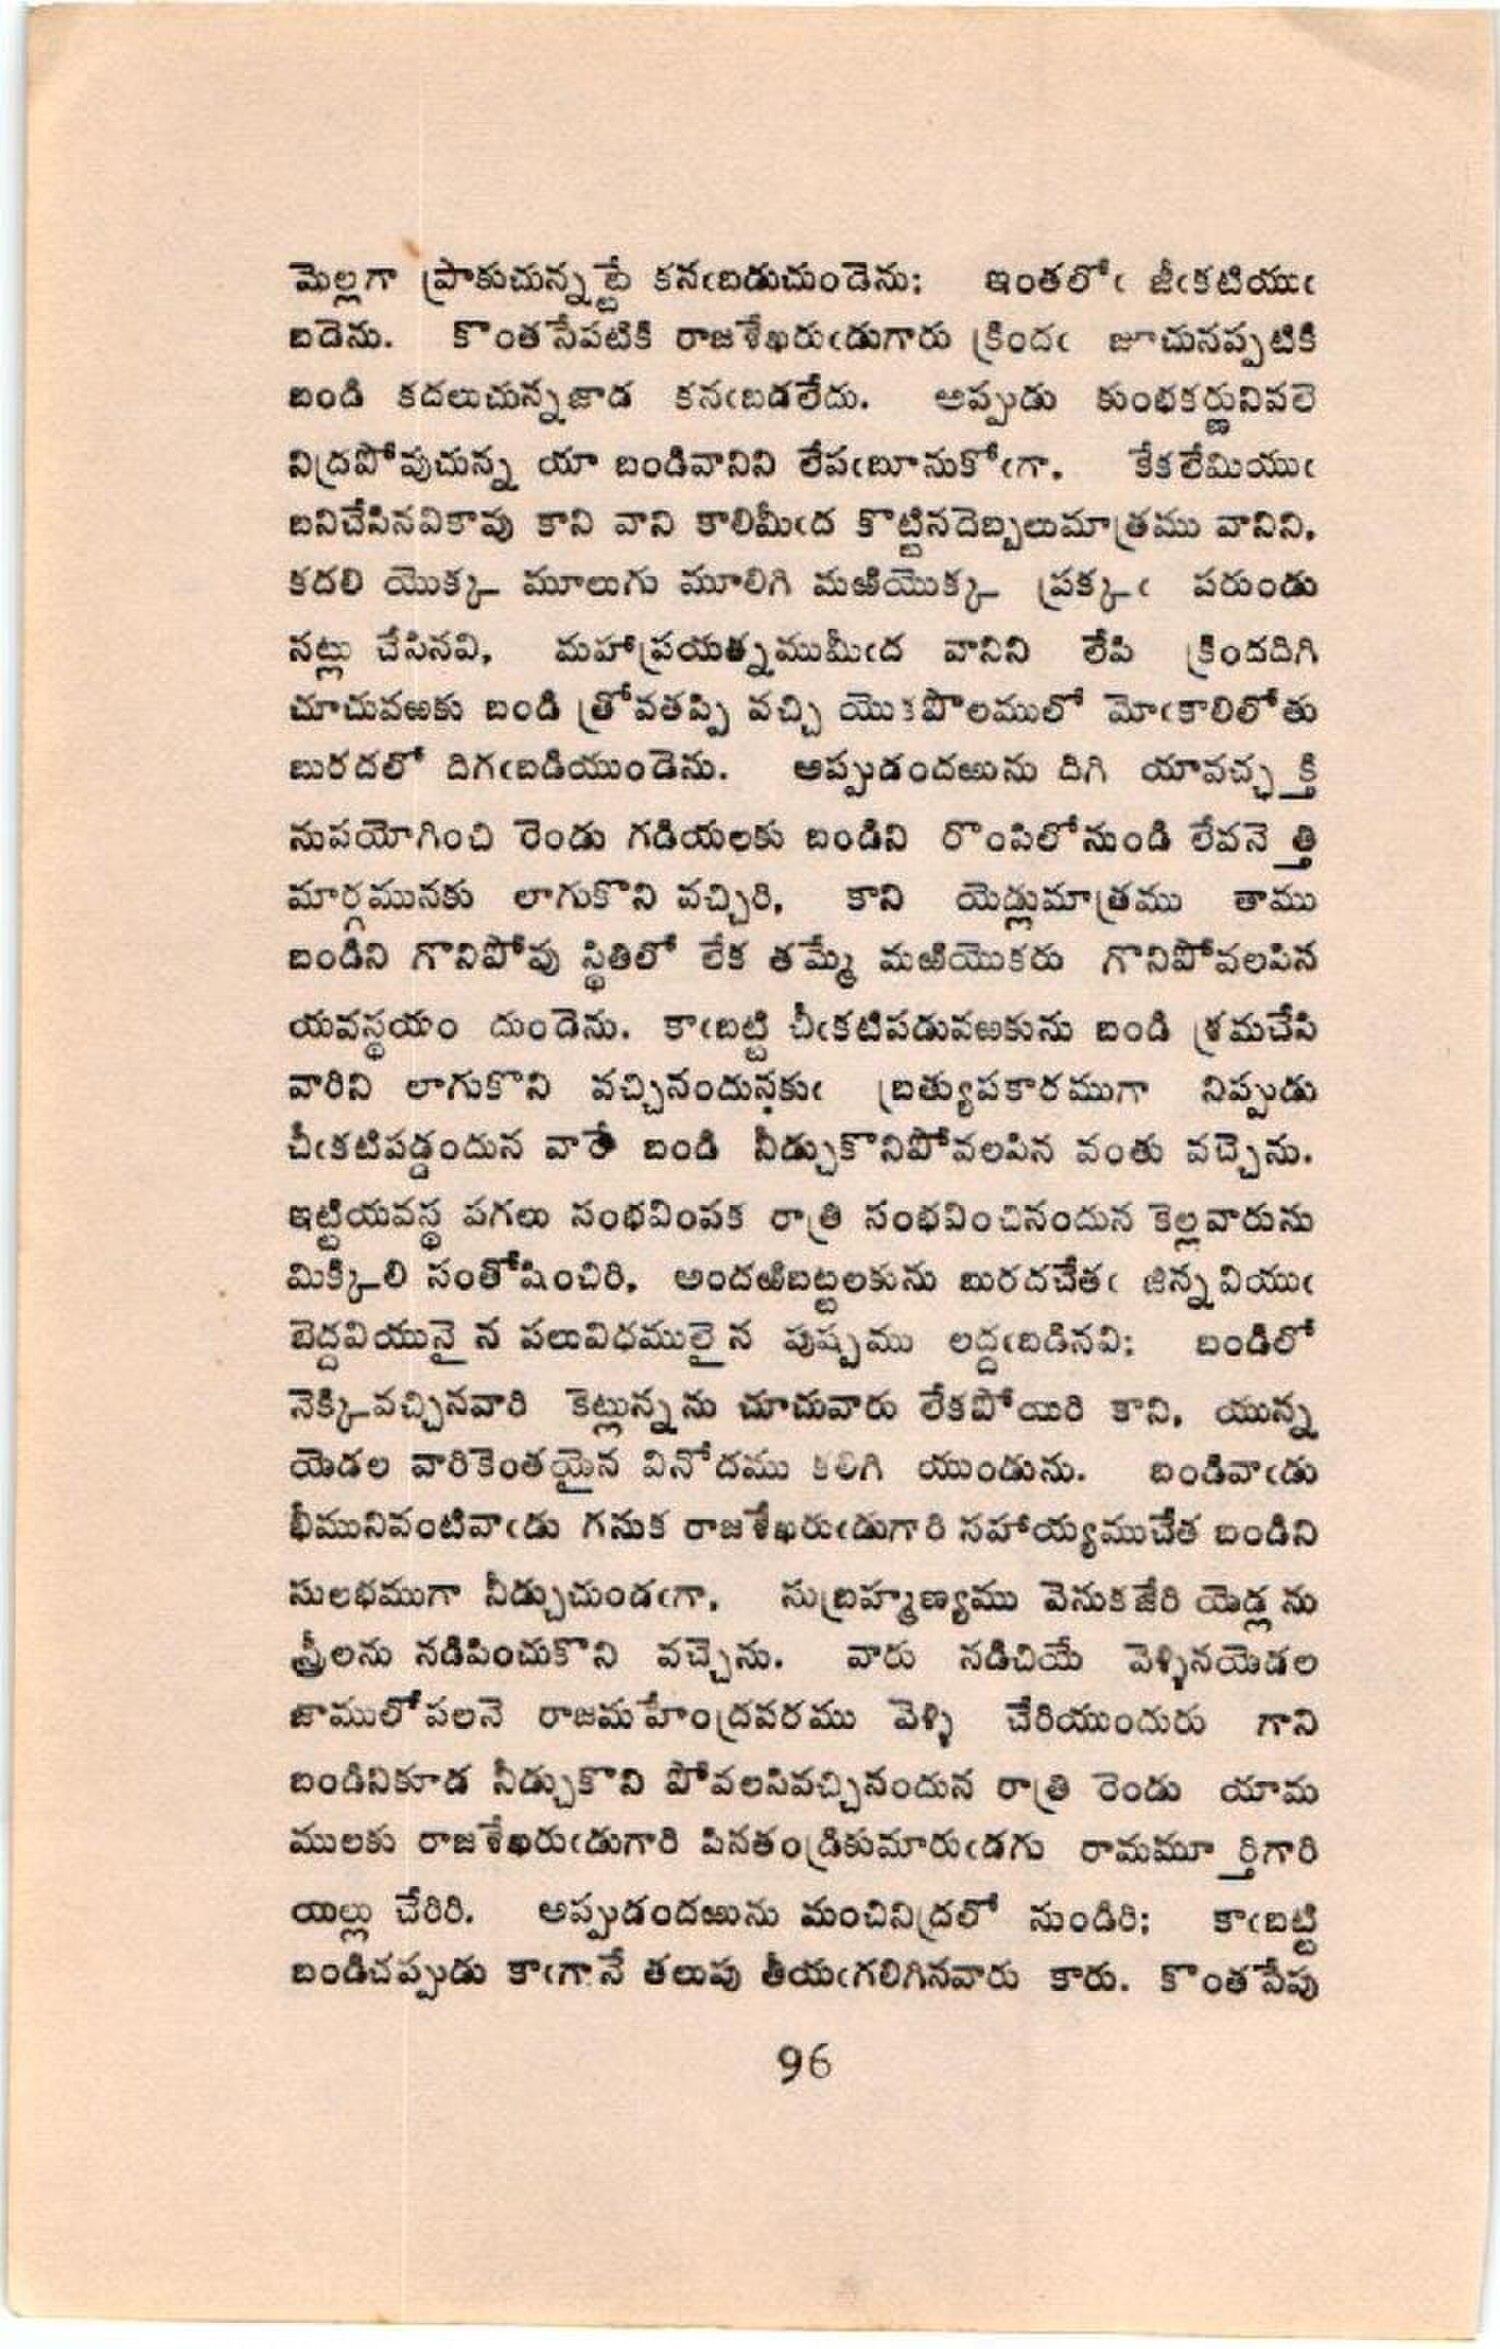మెల్లగా ప్రాకుచున్నట్టే కనఁబడుచుండెను: ఇంతలో జీఁకటియుఁ బడెను. కొంతసేపటికి రాజశేఖరుఁడుగారు క్రిందఁ జూచునప్పటికి బండి కదలుచున్నజాడ కనఁబడలేదు. అప్పడు కుంభకర్ణునివలె నిద్రపోవుచున్న యా బండివానిని లేపఁబూనుకోగా, కేకలేమియు బనిచేసినవికావు కాని వాని కాలిమీఁద కొట్టినదెబ్బలు మాత్రము వానిని, కదలి యొక్క మూలుగు మూలిగి మఱి యొక్క ప్రక్క పరుండు నట్లు చేసినవి, మహాప్రయత్నముమీఁద వానిని లేపి క్రిందదిగి చూచువఱకు బండి త్రోవతప్పి వచ్చి యొకపొలములో మోఁకాలిలోతు బురదలో దిగఁబడియుండెను. అప్పుడందఱును దిగి యావచ్ఛక్తి నుపయోగించి రెండు గడియలకు బండిని రొంపిలోనుండి లేవనెత్తి మార్గమునకు లాగుకొని వచ్చిరి, కాని యెడ్లు మాత్రము తాము బండిని గొనిపోవు స్థితిలో లేక తమ్మే మఱియొకరు గొనిపోవలసిన యవస్థయం దుండెను. కాబట్టి చీకటిపడువఱకును బండి శ్రమచేసి వారిని లాగుకొని వచ్చినందునకుఁ బ్రత్యుపకారముగా నిప్పుడు చీకటిపడ్డందున వారే బండి నీడ్చుకొనిపోవలసిన వంతు వచ్చెను. ఇట్టియవస్థ పగలు సంభవింపక రాత్రి సంభవించినందున కెల్లవారును మిక్కిలి సంతోషించిరి, అందఱి బట్టలకును బురదచేత జిన్నవియుఁ బెద్దవియునైన పలువిధములైన పుష్పము లద్దబడినవి; బండిలో నెక్కివచ్చినవారి కెట్లున్నను చూచువారు లేకపోయిరి కాని, యున్న యెడల వారికెంతయైన వినోదము కలిగి యుండును. బండివాఁడు భీమునివంటివాఁడు గనుక రాజశేఖరుడుగారి సహాయ్యముచేత బండిని సులభముగా నీడ్చుచుండగా, సుబ్రహ్మణ్యము వెనుక జేరి యెడ్లను స్త్రీలను నడిపించుకొని వచ్చెను. వారు నడిచియే వెళ్ళినయెడల జాములో పలనె రాజమహేంద్రవరము వెళ్ళి చేరియుందురు గాని బండినికూడ నీడ్చుకొని పోవలసివచ్చినందున రాత్రి రెండు యామములకు రాజశేఖరుఁడుగారి పినతండ్రికుమారుఁడగు రామమూర్తిగారి యిల్లు చేరిరి. అప్పుడందఱును మంచినిద్రలో నుండిరి; కాఁబట్టి బండిచప్పుడు కాఁగానే తలుపు తీయఁగలిగినవారు కారు. కొంత సేపు